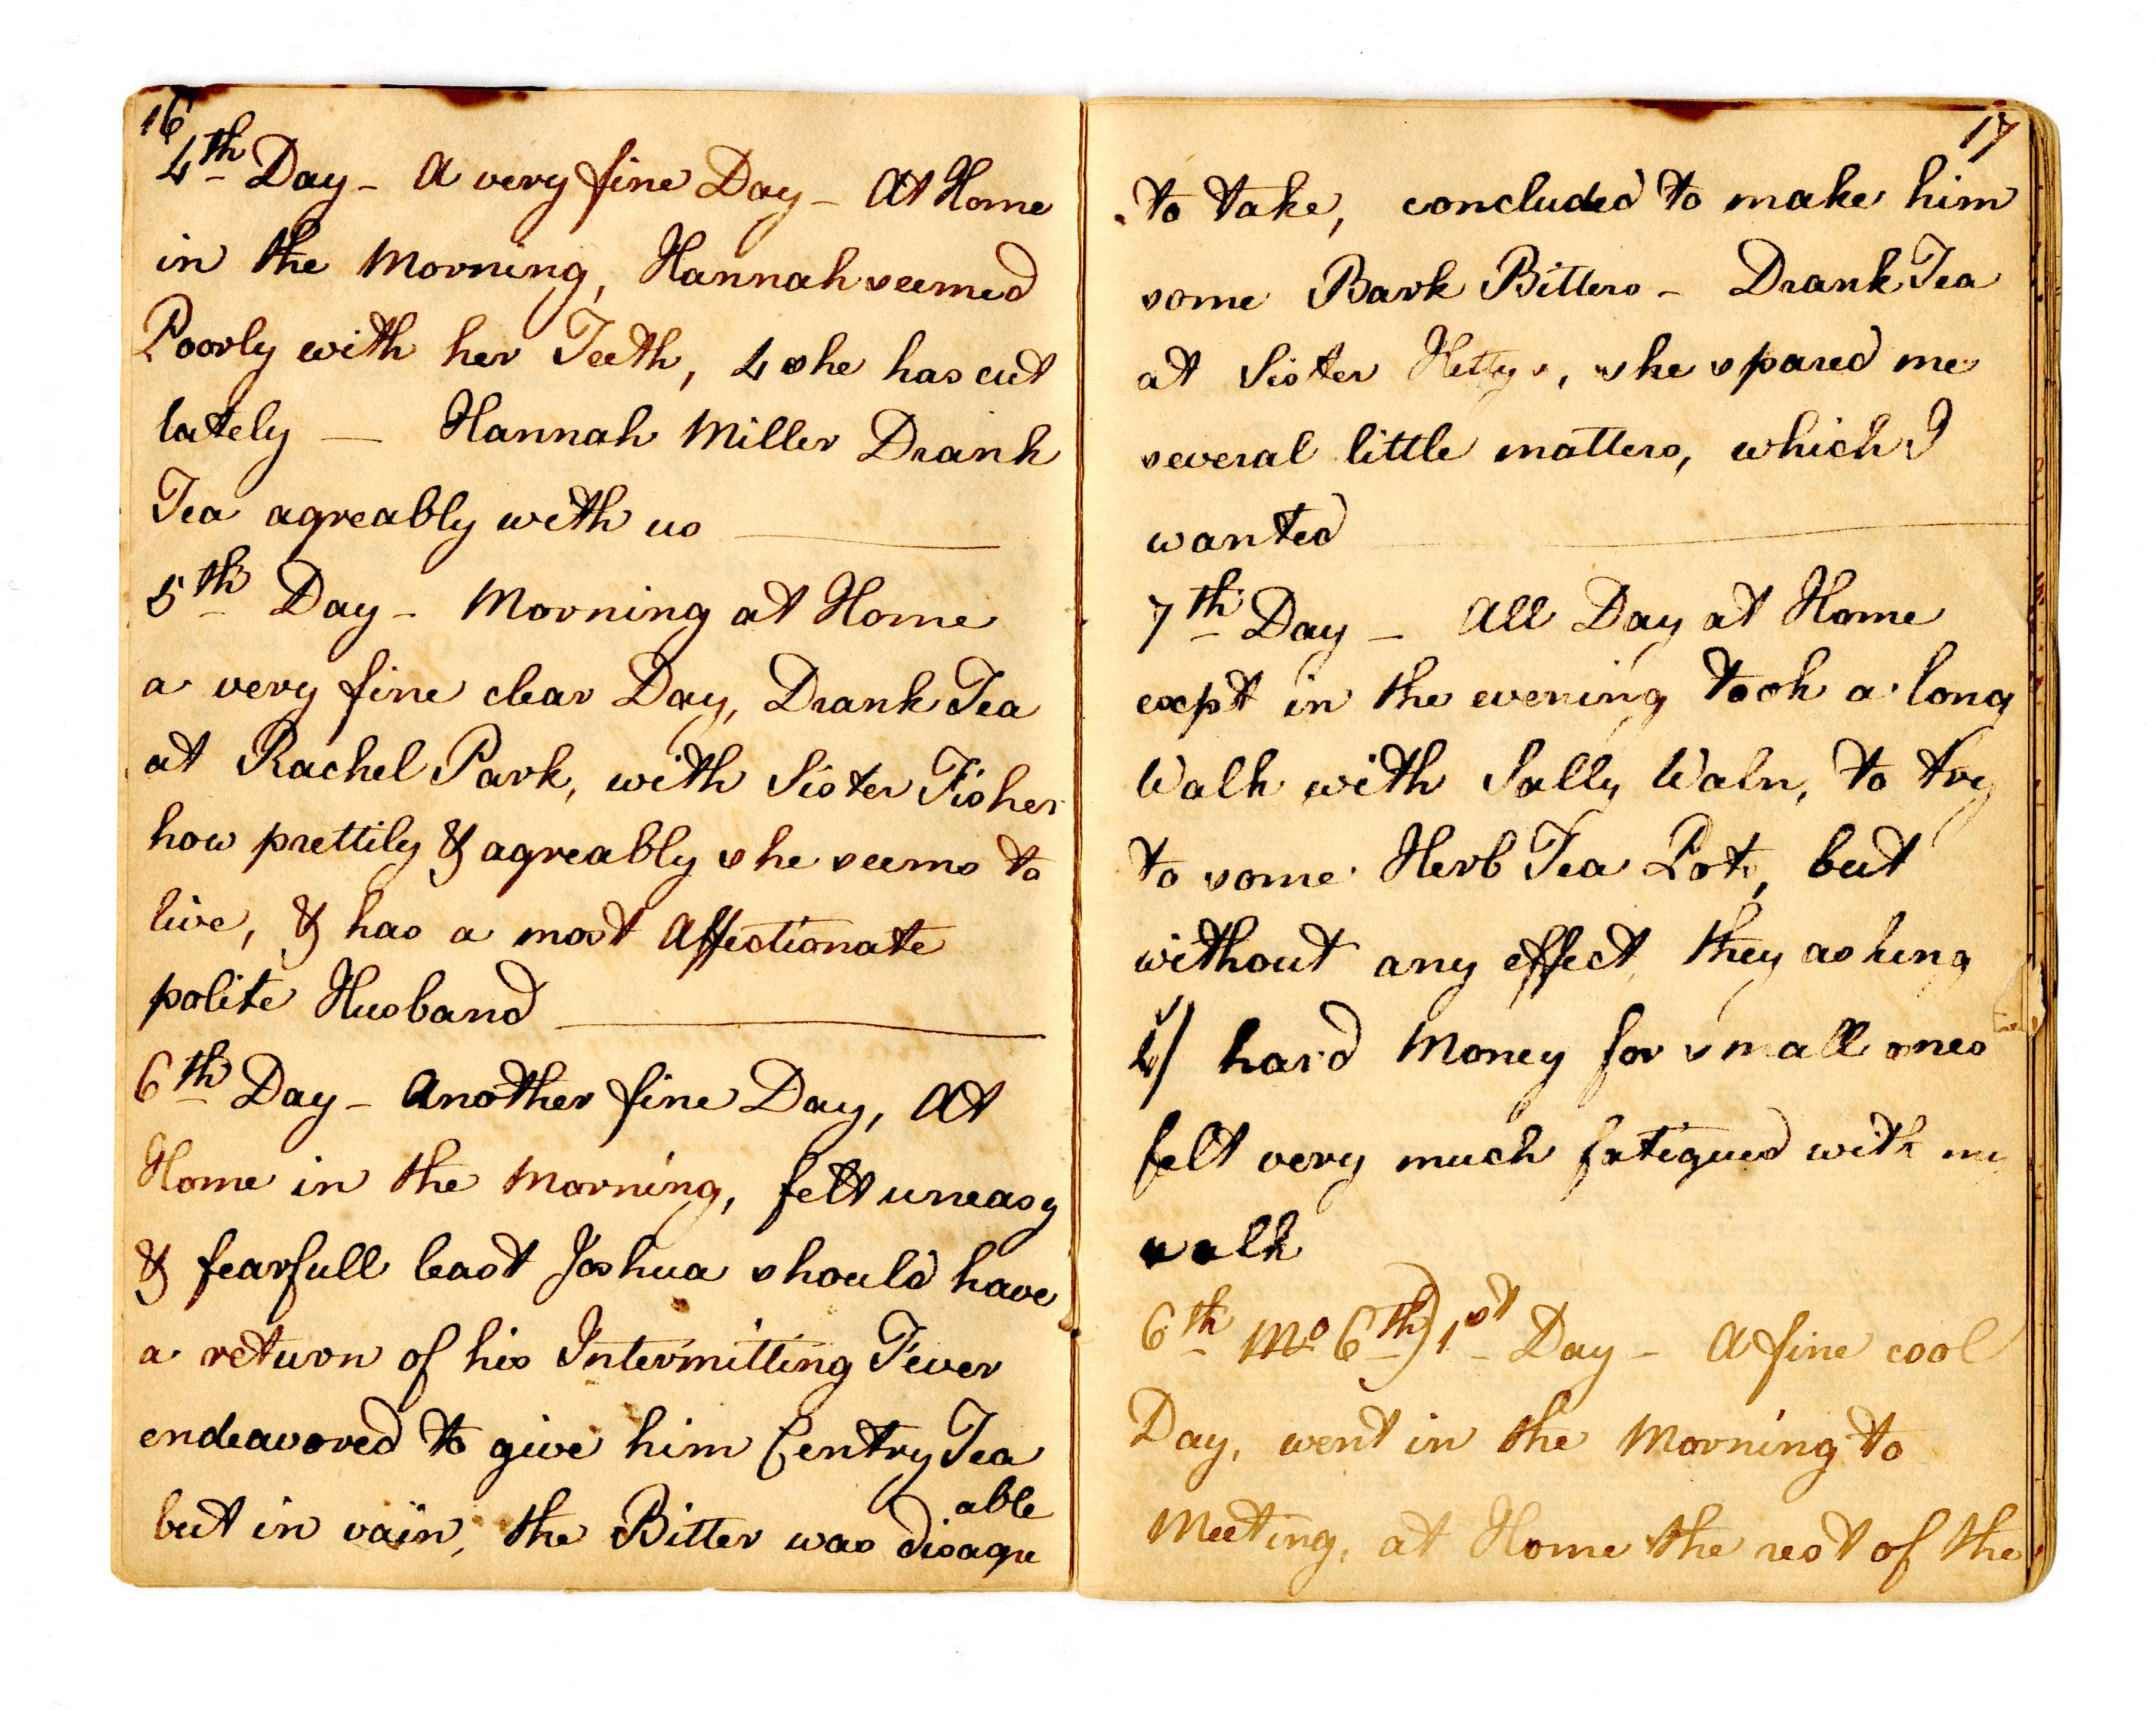16
4^th Day- A very fine Day- At Home
in the Morning, Hannah seemed
Poorly with her Teeth, 4 she has cut
lately- Hannah Miller Drank
Tea agreably with us-
5^th Day- Morning at Home
a very fine clear Day, Drank Tea
at Rachel Park, with Sister Fisher
how prettily & agreably she seems to
live, & had a most Affectionate
polite Husband
6^th Day- Another fine Day, At
Home in the Morning, felt uneasy
& fearfull least Joshua should have
a return of his Intermitting Fever
endeavored to give him Centry Tea
able
but in vain, the Bitter was diagre
17
to take, concluded to make him
some Bark Bitters- Drank Tea
at Sister Hettys, she spared me
several little matters, which I
wanted
7^th Day- All Day at Home
expt in the evening took a long
Walk with Sally Waln, to try
to some Herb Tea Pots, but
without any effect, they asking
4s hard Money for small ones
felt very much fatigued with my
walk
6^th M^o 6^th) 1^st Day- A fine cool
Day, went in the Morning to
Meeting, at Home the rest of the